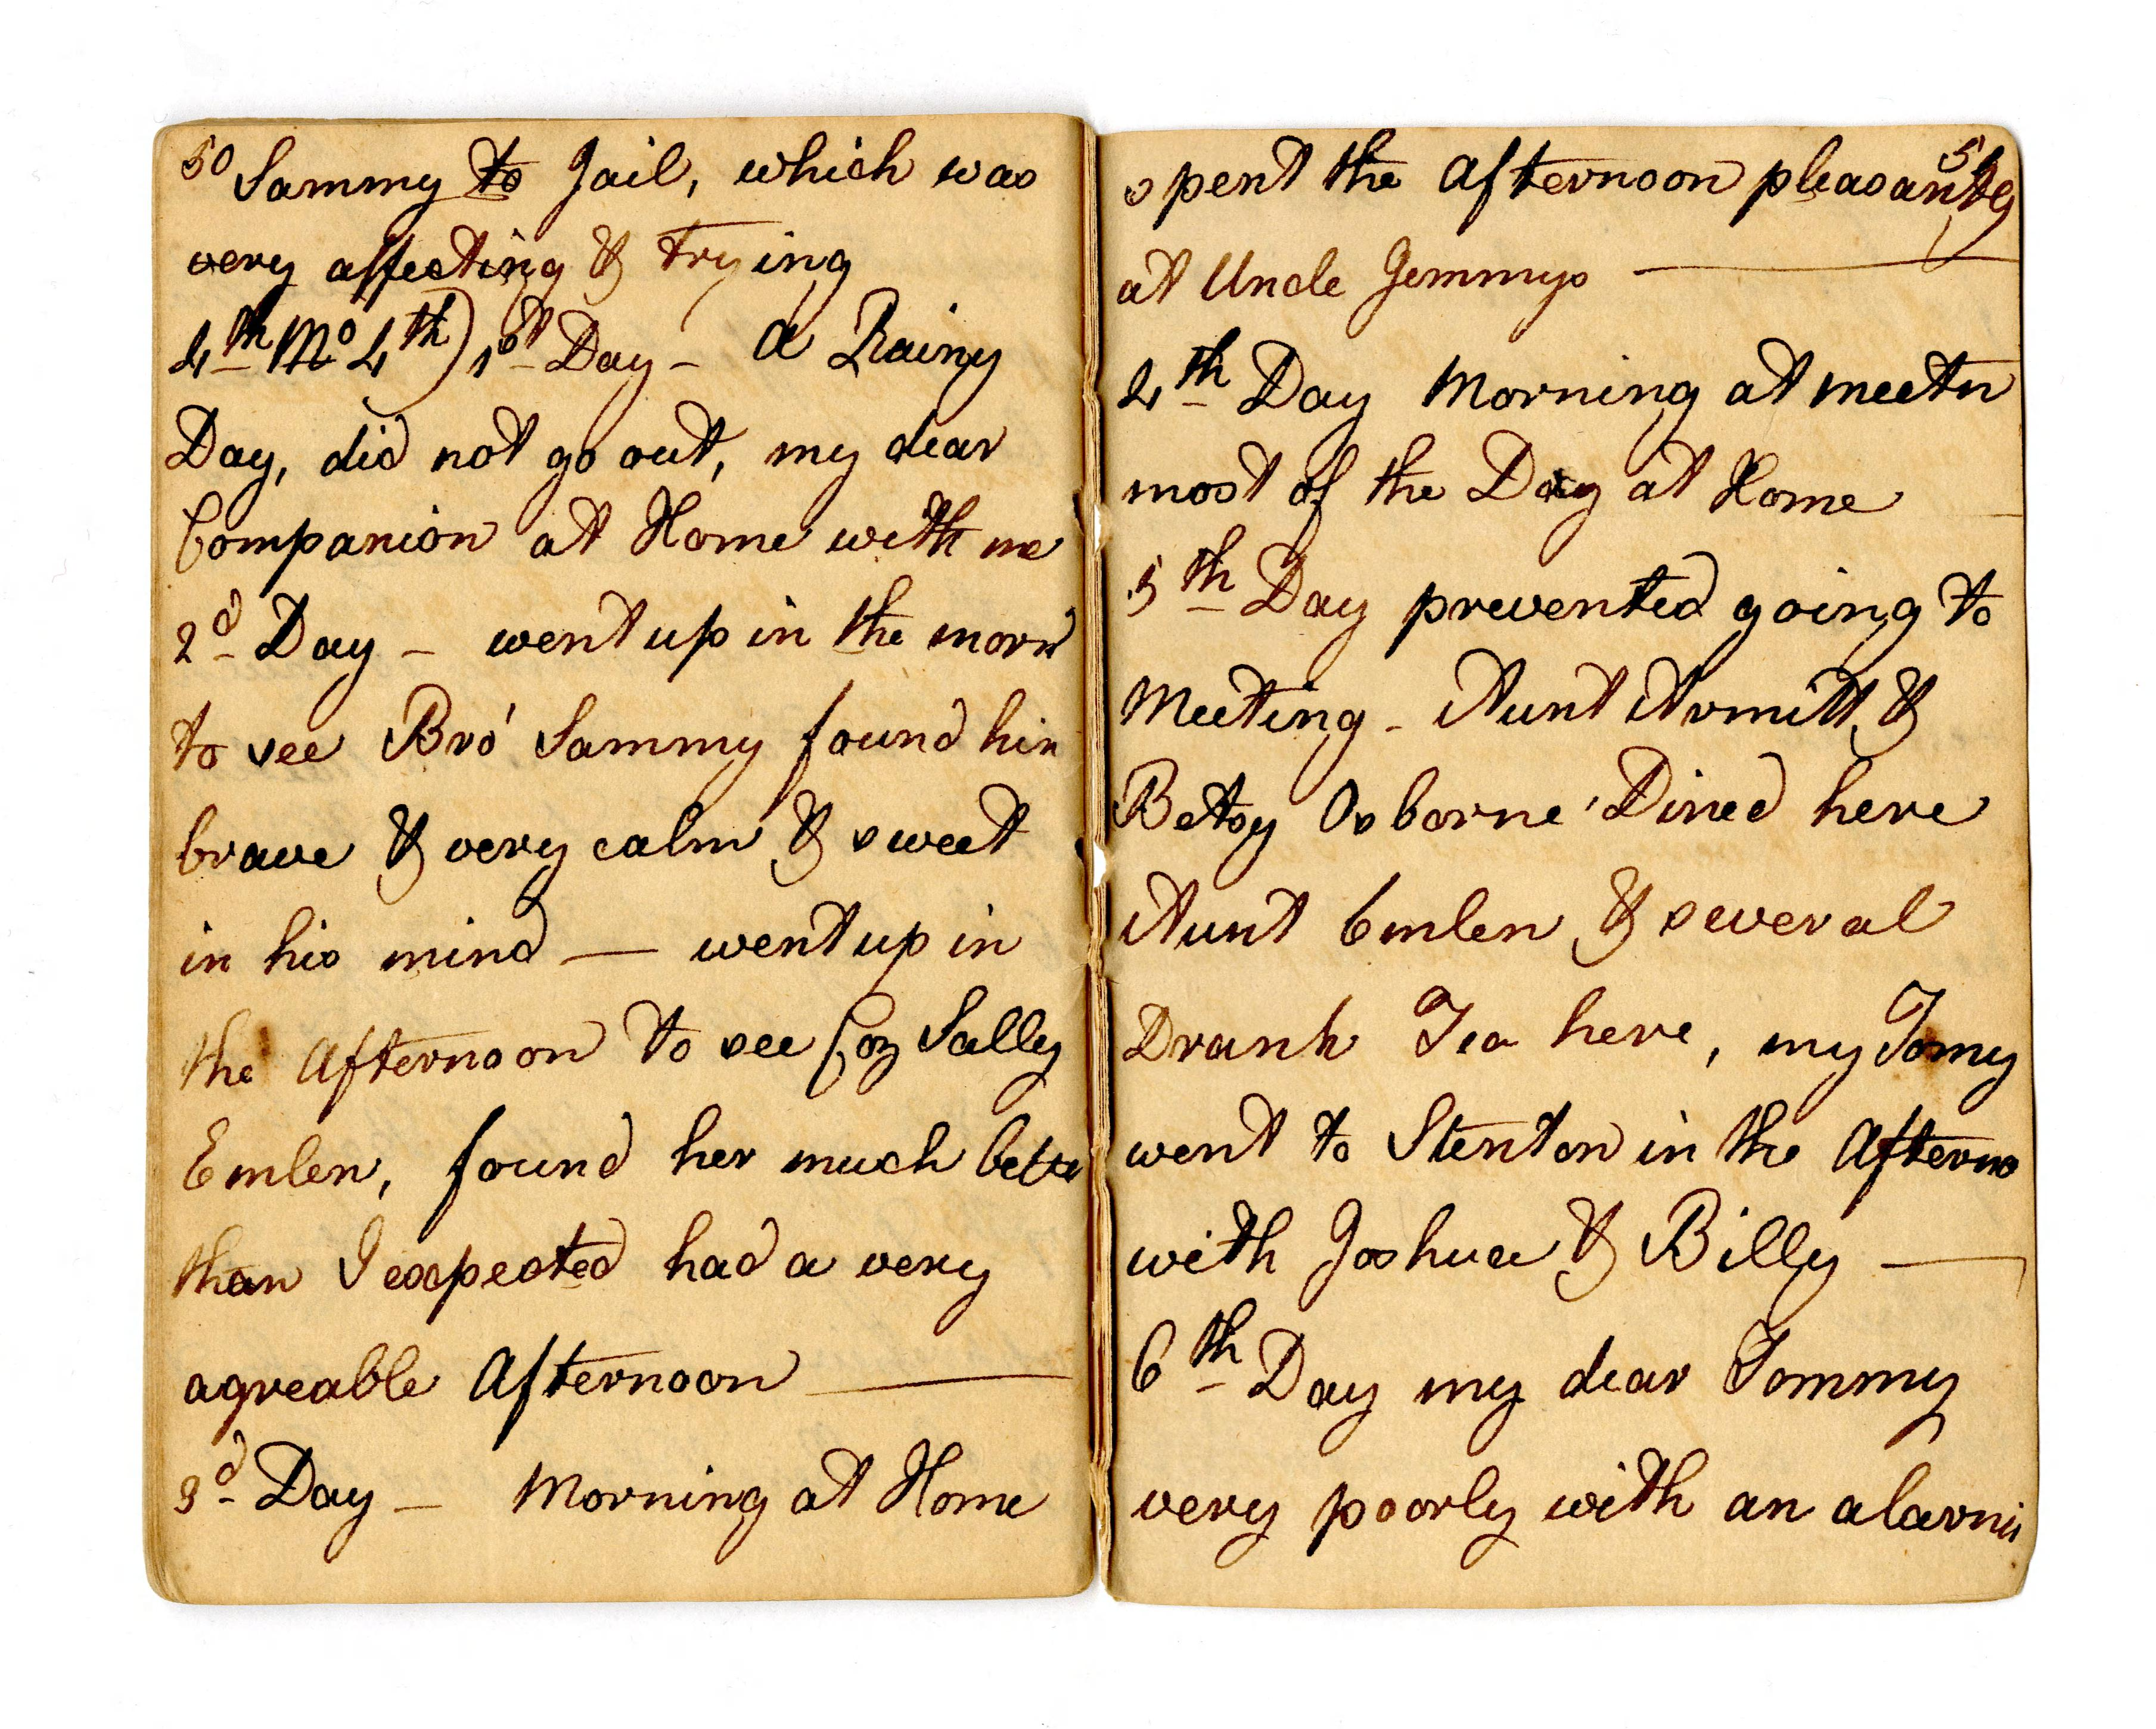50
Sammy to Jail, which was
very affecting & trying
4^th M^o 4^th) 1^st Day- A Rainy
Day, did not go out, my dear
Companion at Home with me
2^d- Day- went up in the morn^g
to see Bro' Sammy found hin
brave & very calm & sweet
in his mind- went up in
the Afternoon to see Coz Sally
Emlen, found her much bette
than I expected had a very
agreable Afternoon-
3^d Day- Morning at Home
51
spent the afternoon pleasantly
at Uncle Jemmys
4^th Day morning at meetn
most a the Day at Home
5^th Day prevented going to
Meeting- Aunt Armitt &
Betsy Osborne Dined here
Aunt Emlen & several
Drank Tea here, my Tomy
went to Stenton in the Afterno
with Joshua & Billy-
6^th Day my dear Tommy
very poorly with an alarni